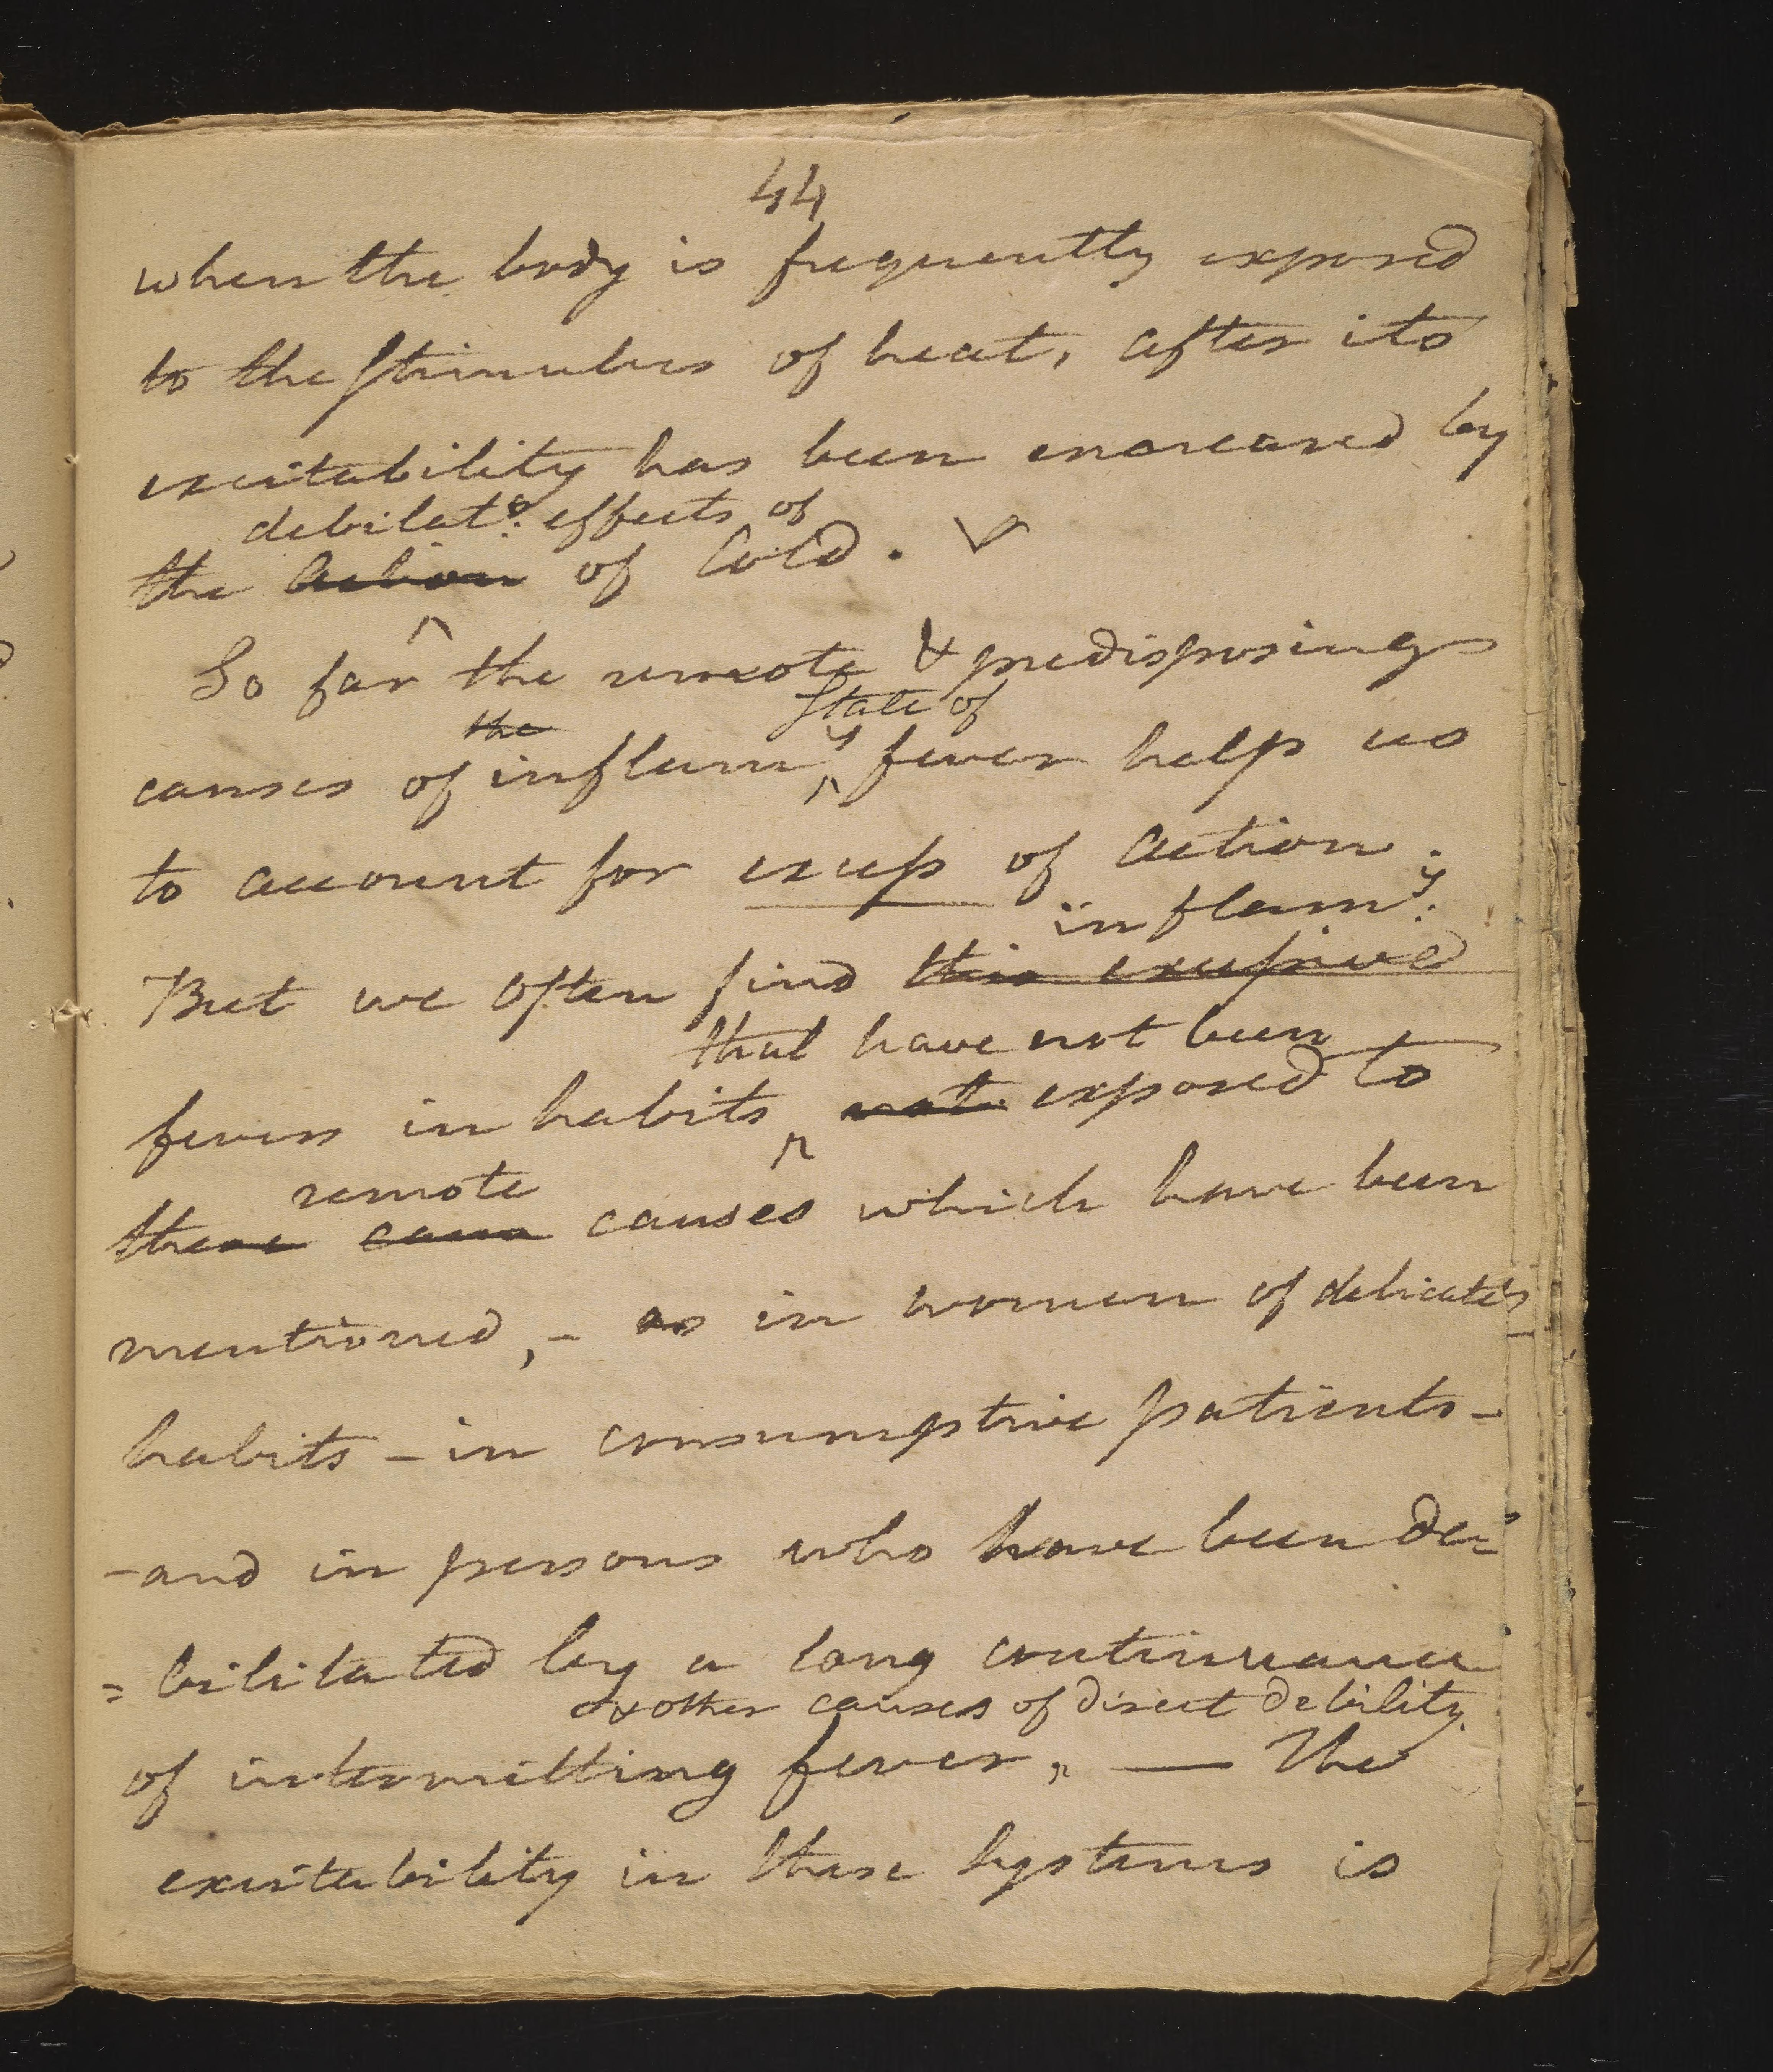44
when the body is frequently exposed
to the Stimulus of heat, after its
excitabilty has been encreased by
debiliat^d effects of
the [Action] of cold.
So far the remote & predisposing
the
state of
causes of inflam^y fever help us
to account for excess of action.
inflam^y
But we often find [this excessive]
that have not been
fevers in habits ^ [not] exposed to
remote
the[se] [caus] which have been
mentioned,- as in women of delicate
habits, in consumptive patients,
- and in persons who have been de-
-bilitated by a long continuance
& other causes of direct debility.
of intermitting fever.- The
excitability in these systems is